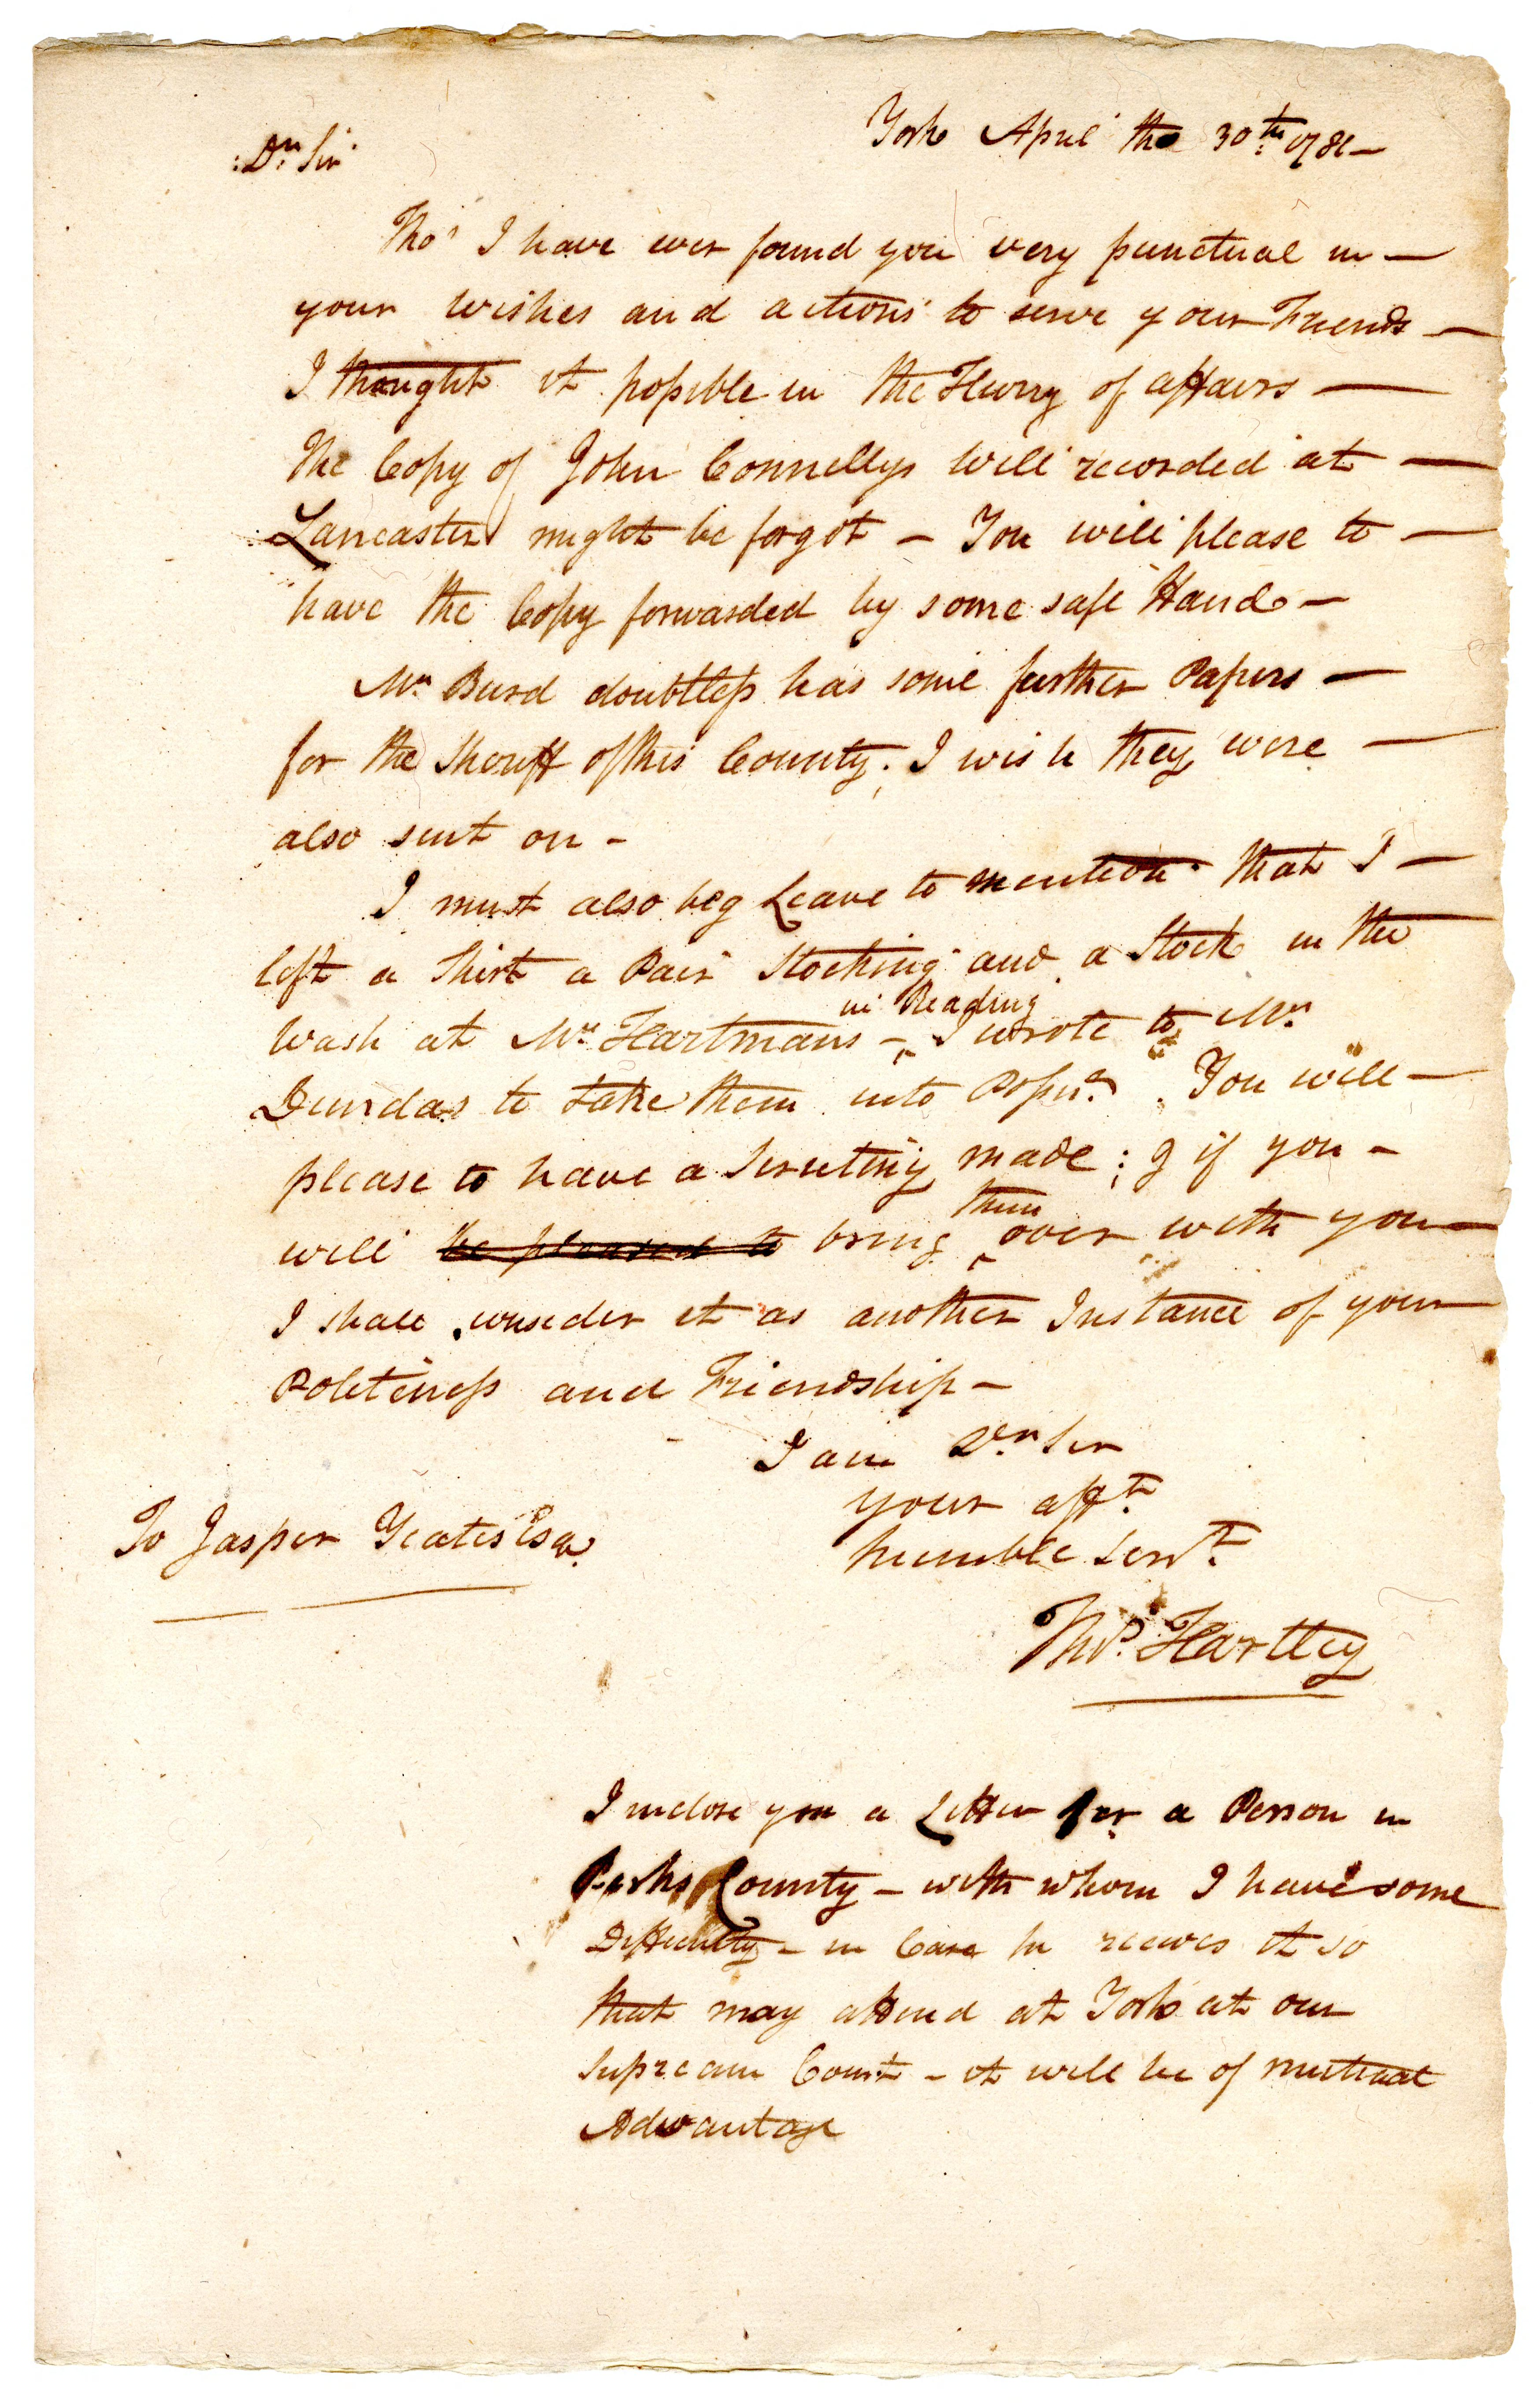York April the 30^th. 1781
D^r. Sir
Tho^s I have ever found you very punctual in
your wishes and actions to serve your Friends
I thought it possible in the Hurry of affairs
the Copy of John Connellys will recorded at
Lancaster might be forgot. You will please to
have the Copy forwarded by some safe Hand.
M^r. Burd doubtless has some further Papers
for the Sheriff of this County. I wish they were
also sent on.
I must also beg Leave to mention that I
left a shirt a Pair stocking and a Stock in the
wash at M^rs. Hartmans ^ I wrote to M^r.
in Reading
Dundas to take them, into Poss^n. You will
please to have a Sereutiny made; & if you
will be pleased to bring ^ over with you
them
I shall consider it as another Instance of your
Politeness and Friendship.
I am D^r Sir
your aff^t.
humble Serv^t.
Tho^s. Hartley
To Jasper Yeates Esq^r.
I inclose you a Letter for a Person in
Parks County- with whom I have some
Difficulty- in Care in recues it so
that may attend at York at our
supream Court. it will be of mutual
Advantage